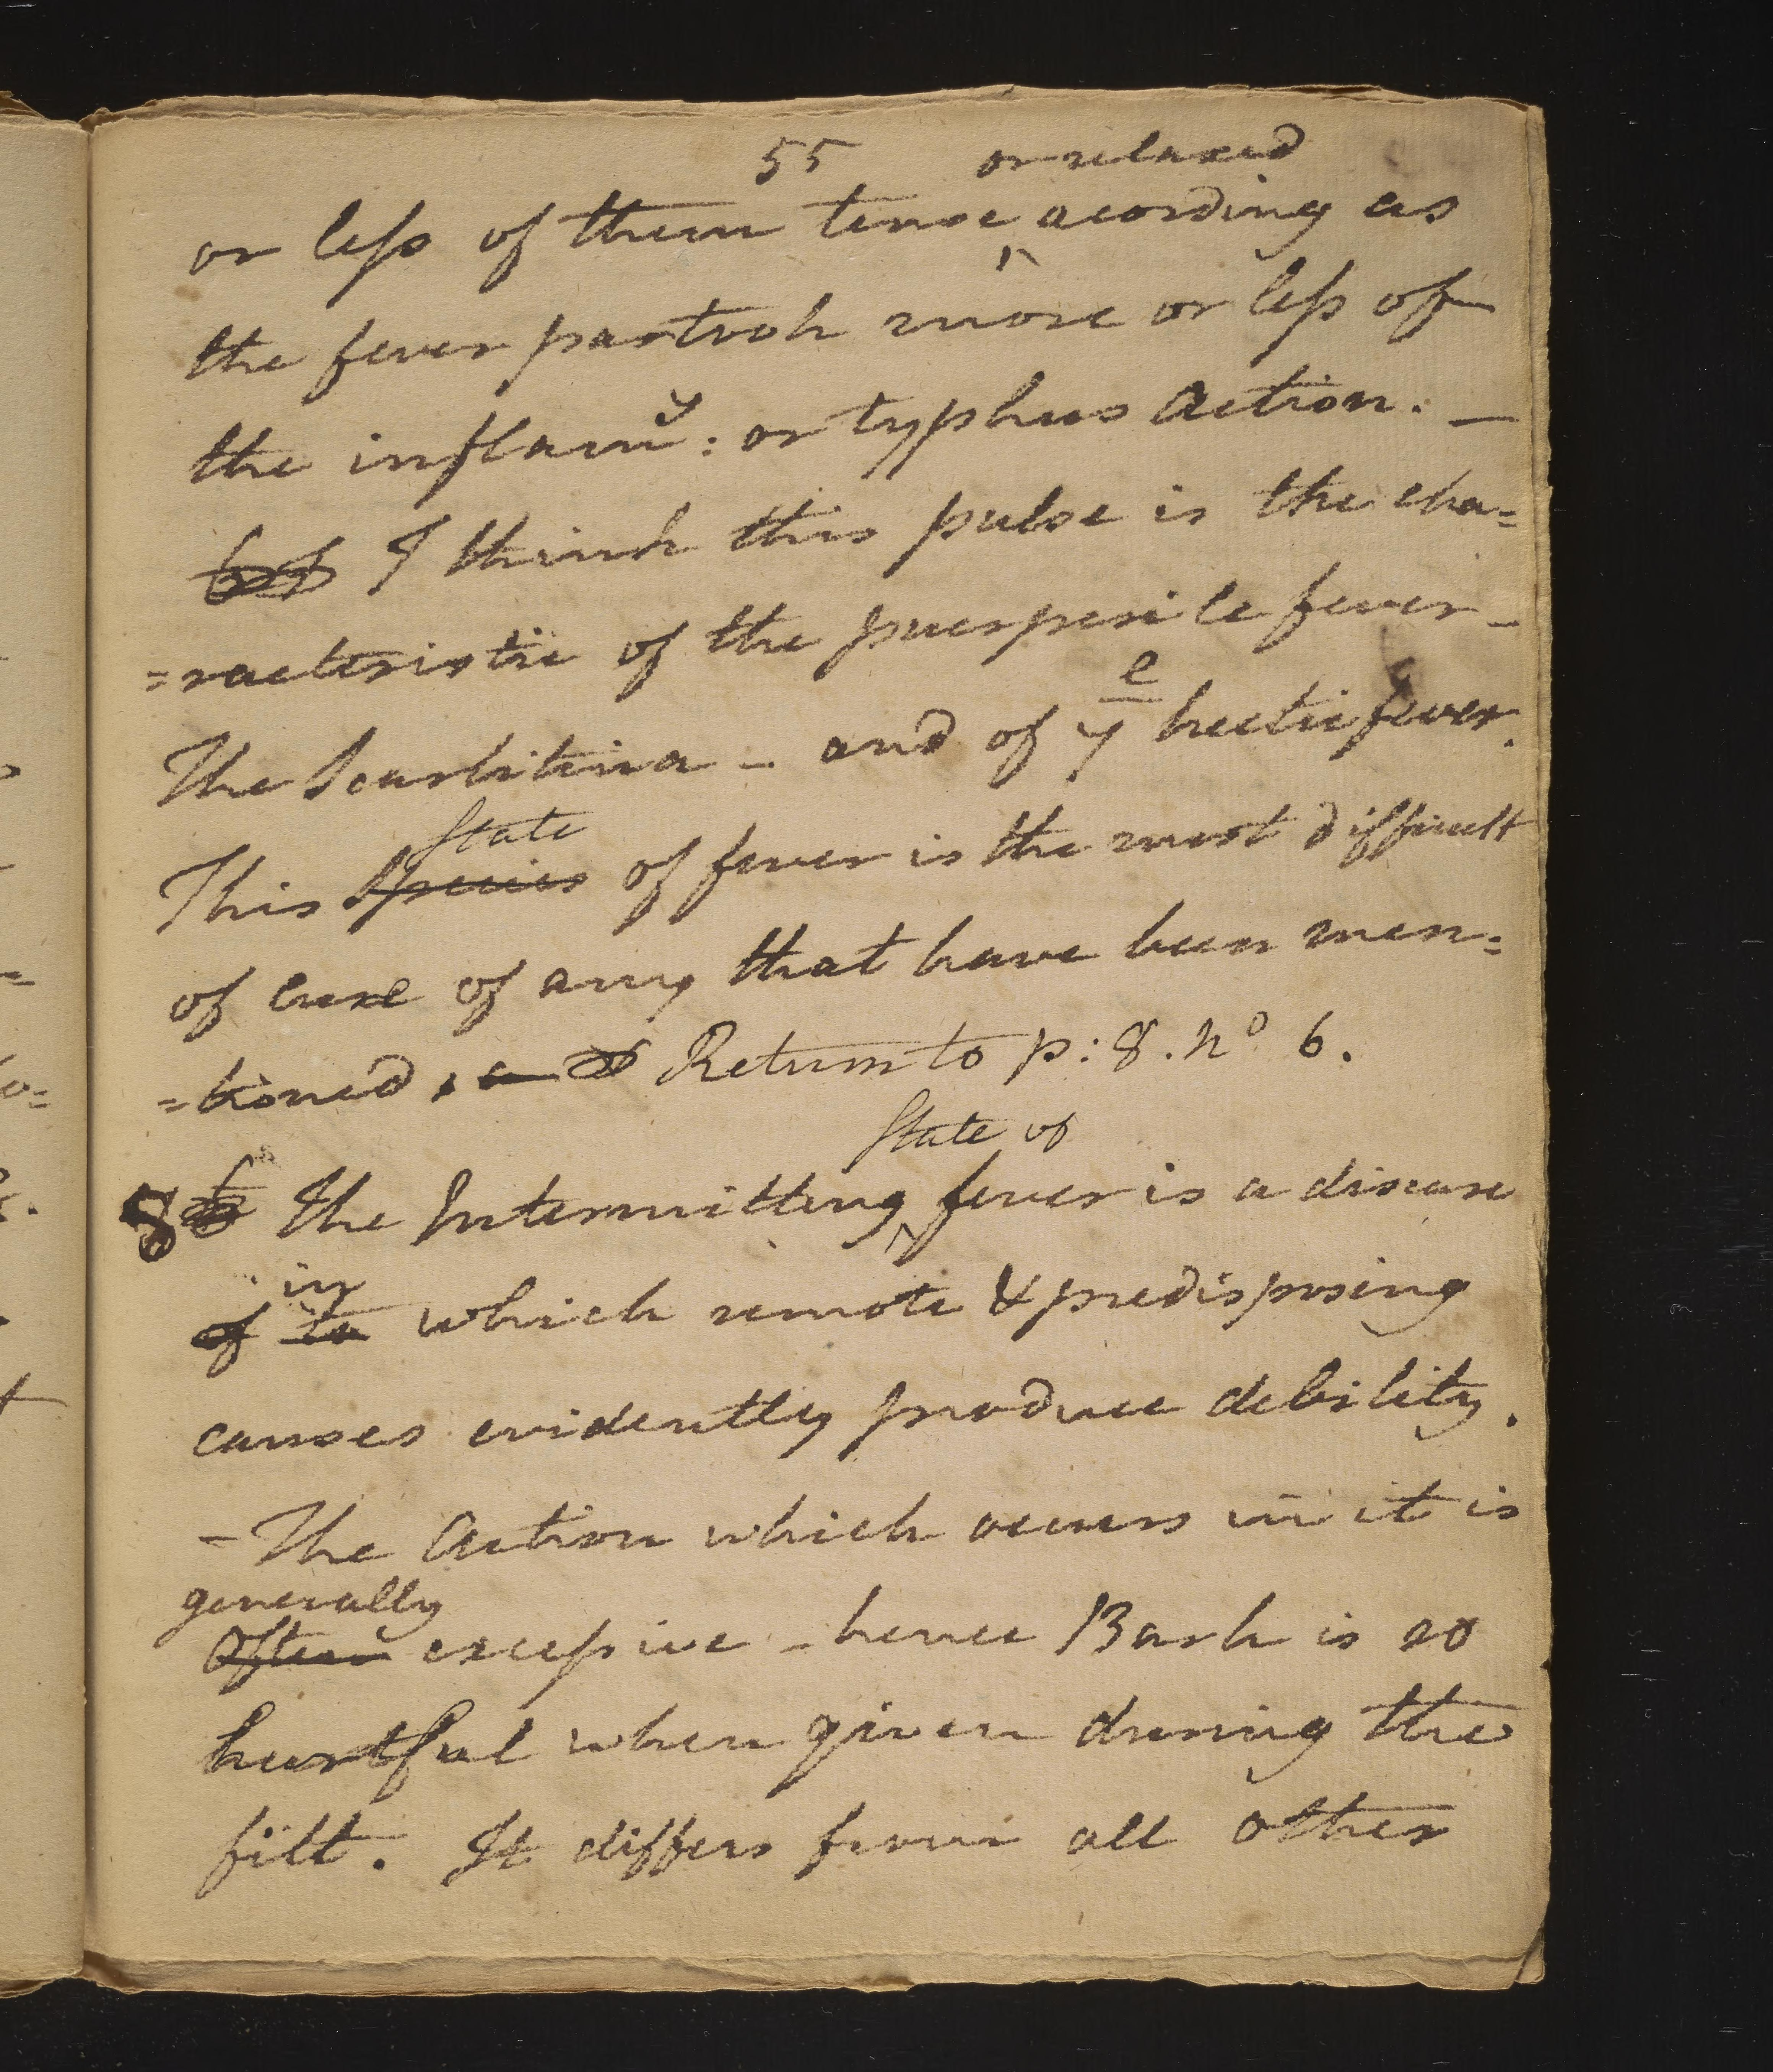55
or relaxed
or less of them tense ^ according as
the fever partook more or less of
the inflam^y: or typhus Action.
[but] I think this pulse is the cha-
-racteristic of the puerperile fever
The Sourlitrina, and of y^e hectic fever.
State
This [species] of fever is the most difficult
of case of any that have been men-
-tioned. [_] Return to p. 8 N^o 6.
State of
The Intermitting ^ fever is a disease
in
of ^ which remote & predisposing
causes evidently produce debility.
The Action which occurs in it is
generally
[Often] excessive- hence Bark is so
hurtful when given during the
fitt. It differs from all other